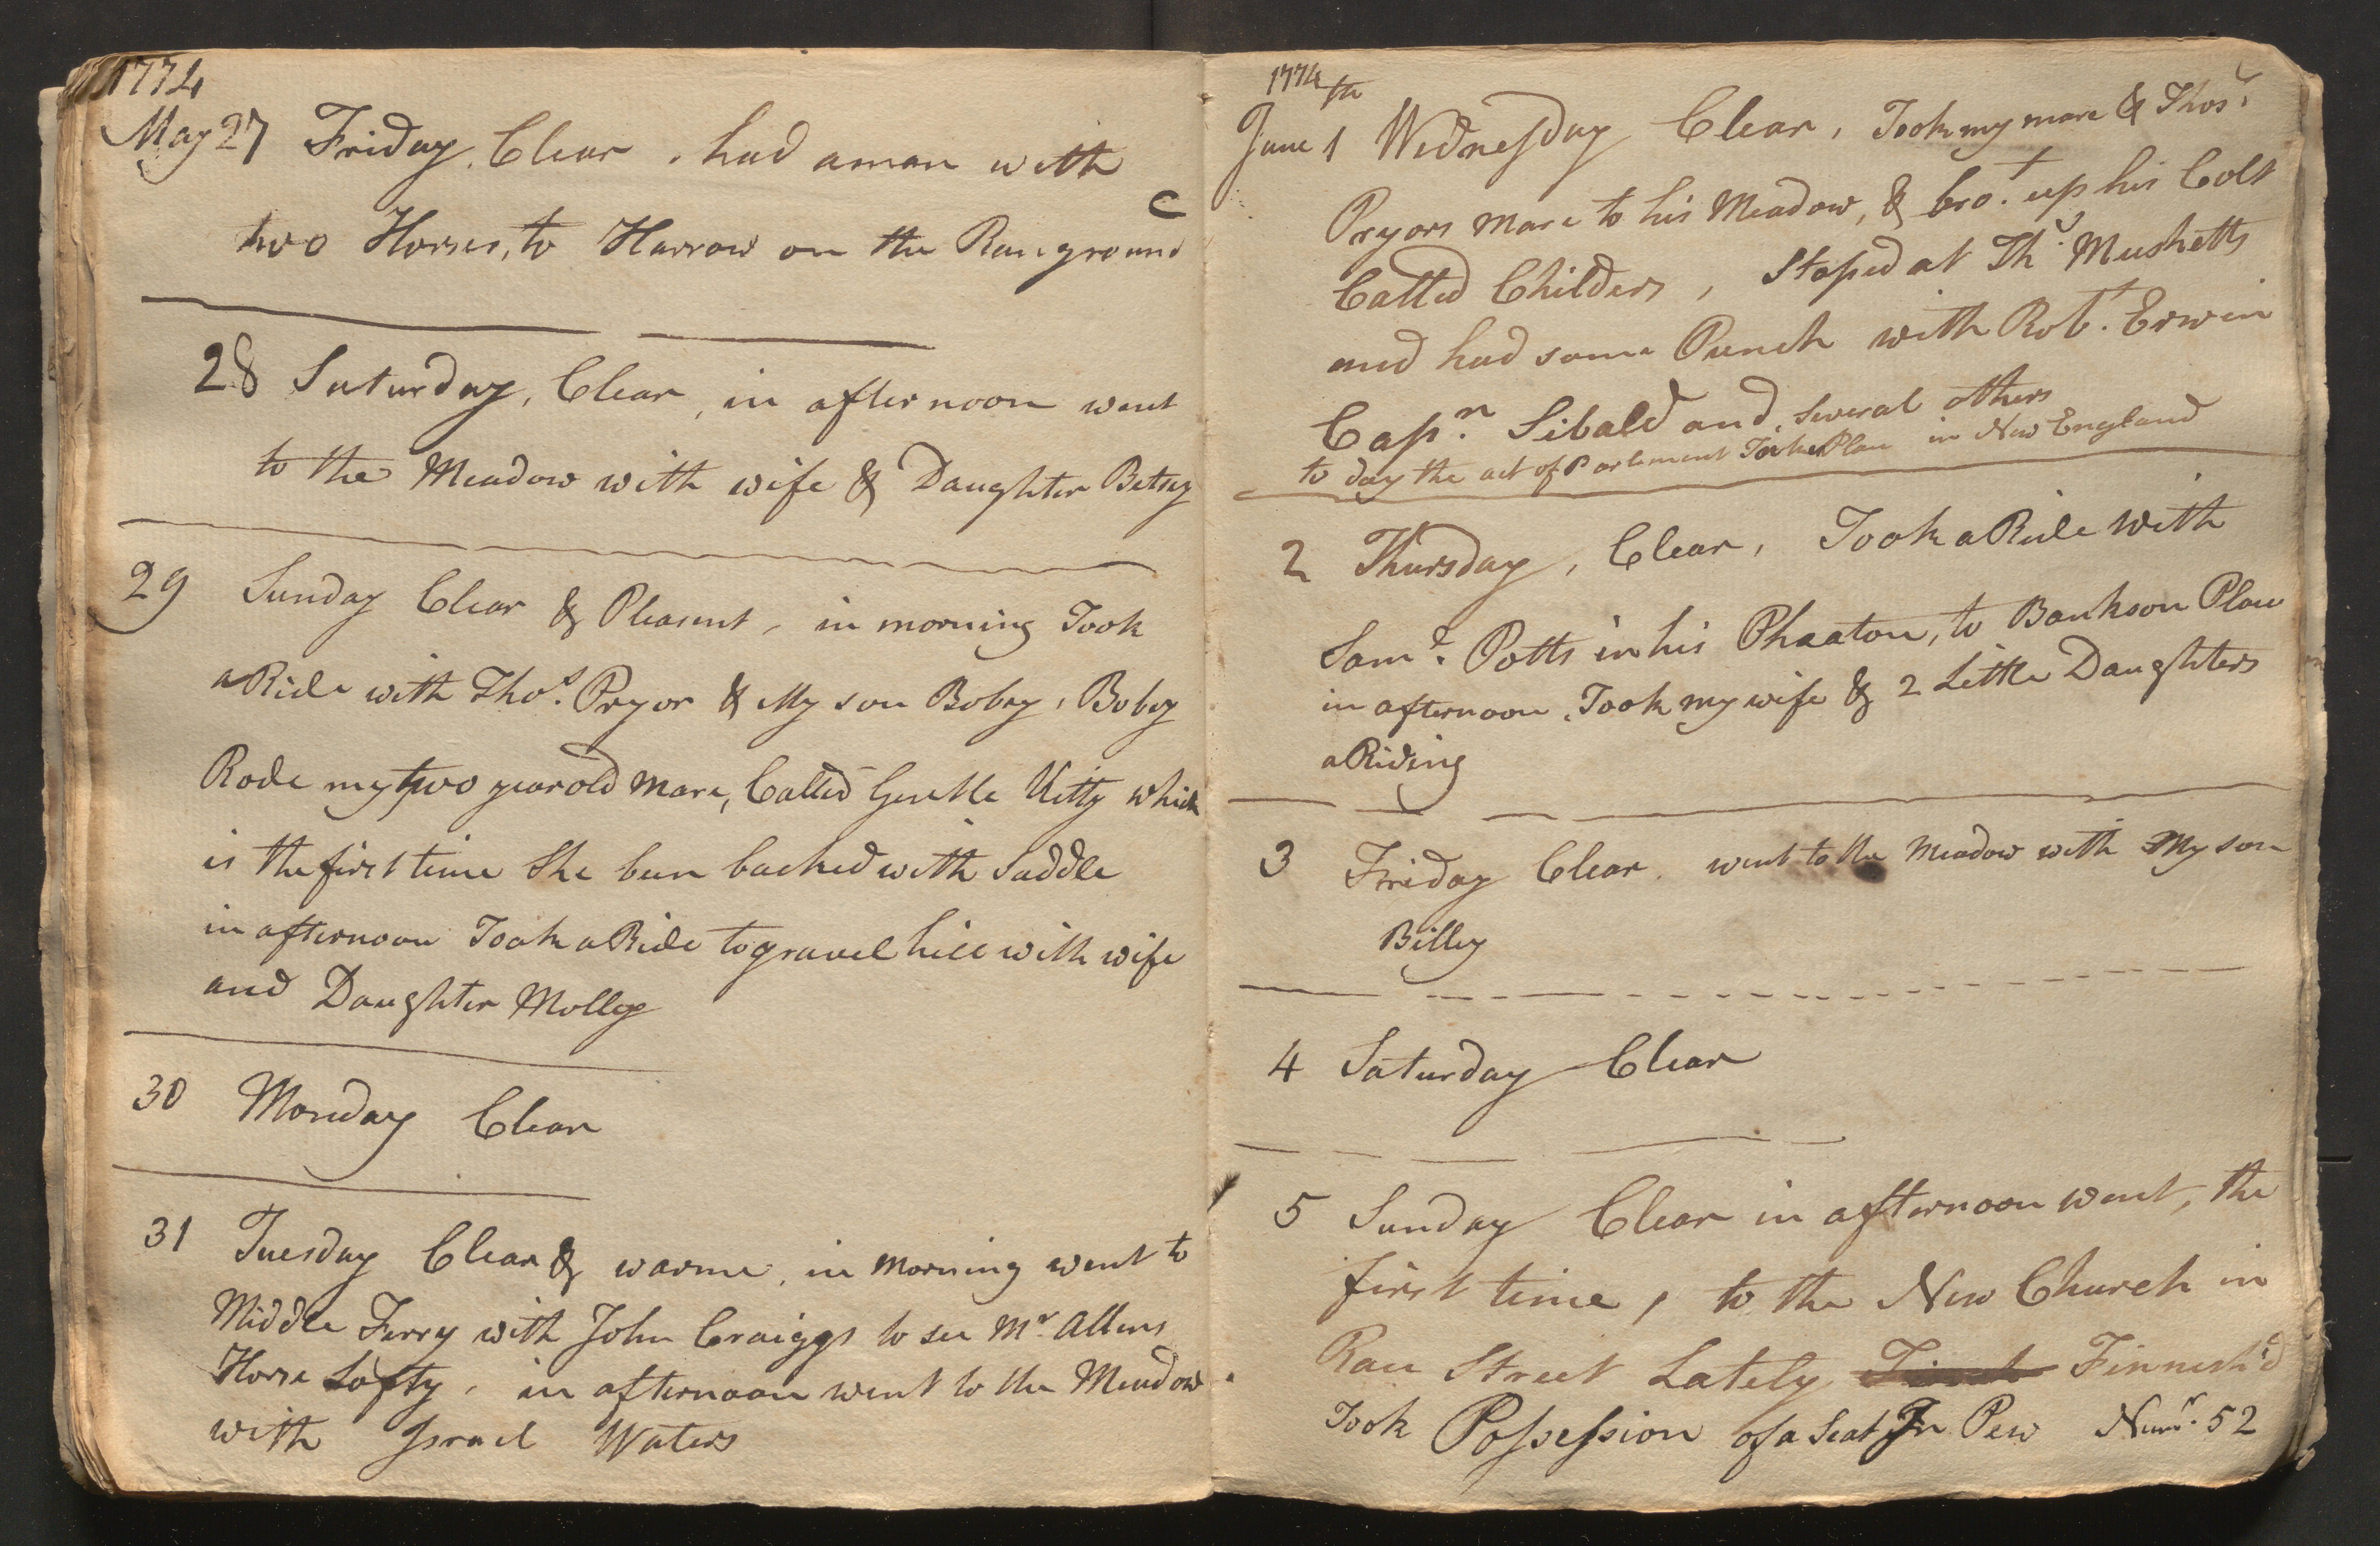1774
May 27 Friday, Clear, had a man with
two Horses to Harrow on the Race ground
28 Saturday, Clear in afternoon went
to the Meadow with wife & Daughter Betsey
29 Sunday Clear & Pleasent, in morning Took
a Ride with Tho^s. Pryor & My son Bobey, Bobey
Rode my two year old mare, Called Gentle Kitty which
is the first time she been backed with Saddle
in afternoon Took a Ride to gravel hill with wife
aned Daughter Molly
30 Monday Clear
31 Tuesday Clear & warme, in morning went to
Middle Ferry with John Craiggs to see M^r. Allens
Horse Lofty. in afternoon went to the Meadow.
with Israel Waters
1774
June 1 Wednesday Clear, Took my mare & Thos^s.
Pryors mare to his Meadow, & bro^t. up his Colt
Catted Childers, Stoped at Th^s. Mushetts
and had some Punch with Rob^t. Erwin
to day the act of Parlement Took Place in New England
Cap^n. Sibald and, several others
2 Thursday, Clear, Took a Ride with
Sam^l. Potts in his Pheaton, to Bankson Place
in afternoon Took my wife & 2 Little Daughters
a Riding
3 Friday Clear. went to the Meadow with My son
Billey
4 Saturday Clear
5 Sunday Clear in afternoon went, the
first time, to the New Church in
Rai Street Lately [_____] Finnish'd
Took Possession of a Seat In Pew Num^r. 52